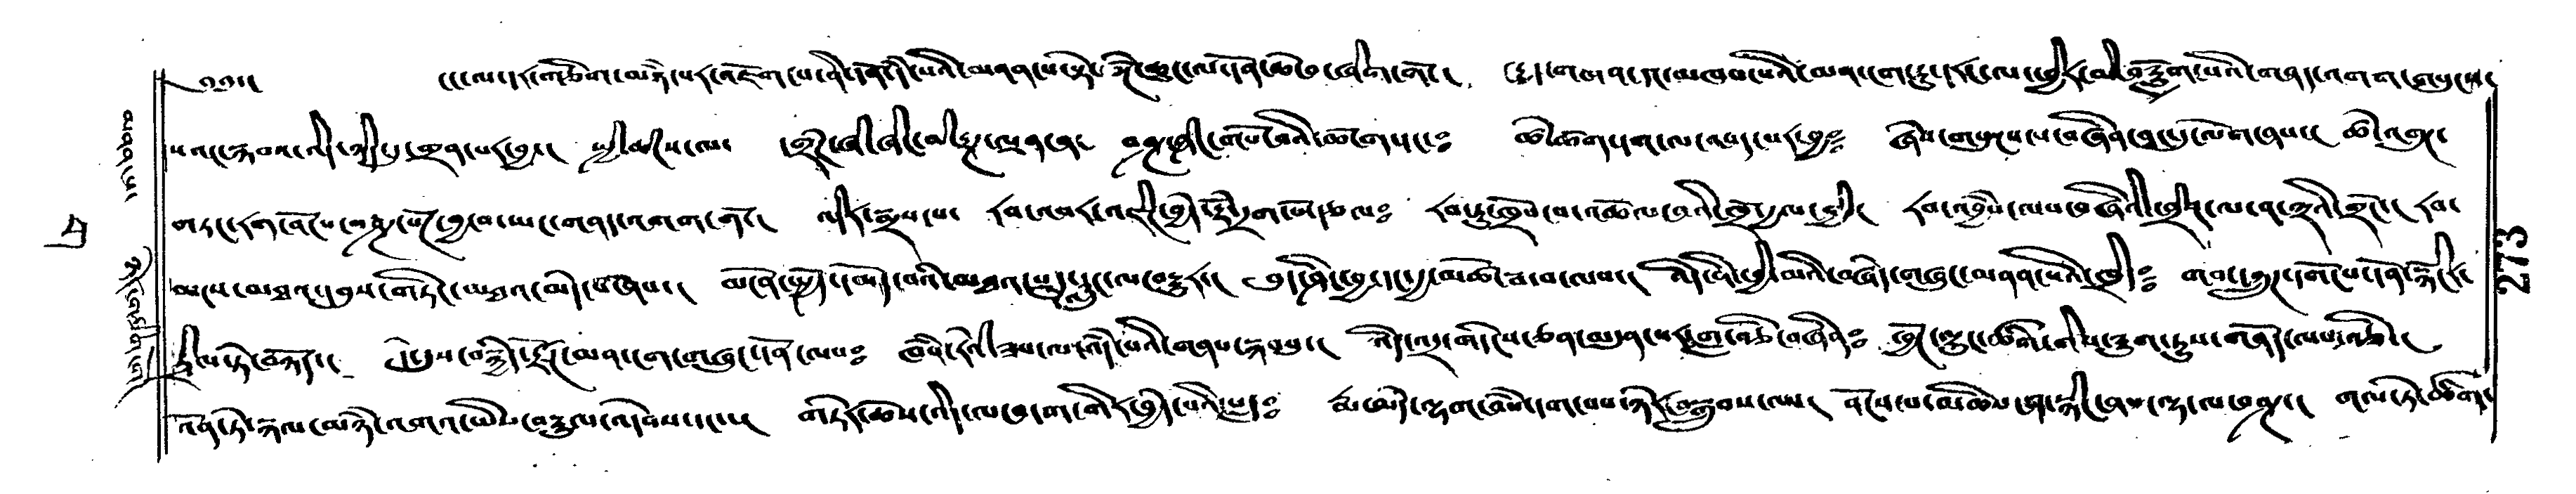ངང་ལ་དར་གཅིག་མཉམ་པར་འཇོག་པ་ནི་དོན་དམ་པའི་མནན་པ་སྟེ་ཚེགས་ཆུང་ལ་དོན་ཆེ་བ་ཞིག་གོ རྒྱུད་གཞན་དང་མཁས་པའི་མན་ངག་ཏུ་དར་ལ་ཕྱིར་མི་ཟློག་པའི་གནད་འགག་གསུངས་
པའང་སྐབས་འདི་ཉིད་དུ་དྲན་པར་བྱ། སྤྱི་ཆིངས་ལ་དགྲ་བགེགས་་ཞི་བའི་མི་རྟགས་ལྡན་ན། བཤགས་ཤིང་གསོ་བའི་ཆོ་ག་དང་། ཚེ་ཆོག་དག་ལ་འབད་པར་བྱ། ཞེས་གསུངས་པ་བཞིན་ནང་དུ་ལོག་ནས་ཚེ་འགུགས་
གཏང་རག་ནོངས་བཤགས་སོགས་བྱ་བ་ཡང་གནད་འགག་གོ ། འདིར་སྨྲས་པ། རབ་འབར་འཇིགས་བྱེད་རྡོ་རྗེ་དྲག་པོ་རྩལ། །རབ་ཏུ་ཁྲོས་པ་འཆོལ་བའི་ཁྲོ་རྒྱལ་གྱི། །རབ་འབྱམས་ལས་བཞིའི་ཕྲིན་ལས་ན་ཀྲའི་གྲོང་། །རབ་
མང་མཐའ་དབུས་གཏིང་མཐའ་མེད་པ་ནས། །མངོན་སྤྱོད་དམོད་པའི་མཐའ་སྡུད་རླུང་ལ་བསྐུར། །བུད་ཤིང་བྱ་དང་རྒྱ་མཚོ་སྦ་བ་ལས། །འདི་ནི་ཕྱི་མའི་བཞེད་གཞུང་མནན་པའི་ཁྲིད། །གབ་དཀྲུགས་དགོངས་དོན་སྙིང་
པོར་ཏེ་བཀོད། །དེ་དུས་བསྐྱེད་རྫོགས་མན་ངག་གཞུང་དོན་ལས།ཁམ་རེའི་ཟས་ལ་འདེམ་པའི་གནས་སྐབས་སུ། །འདི་འདྲ་གདེངས་ཅན་མདུན་སར་གླ་རྩི་བཞིན། །ཕྱོགས་ལྷུང་ཚིག་གིས་ཟུག་ངུས་གནོད་ལས་ཅི། །
འོན་ཏེ་སྐལ་མཉམ་འགའ་ཡིས་བསྐུལ་འདེབས་དང་། །གཏེར་ཆོས་འདི་ལ་བདག་གིར་བྱེད་པའི་སླད། །རྨ་མེད་ལྷག་བསམ་དག་པས་ཉེར་བསྒྲུབས་ལས། །ནོངས་པ་མཆིས་ན་སྙིང་ནས་ལྷ་ལ་བཤགས། །གལ་ཏེ་ཚིག་